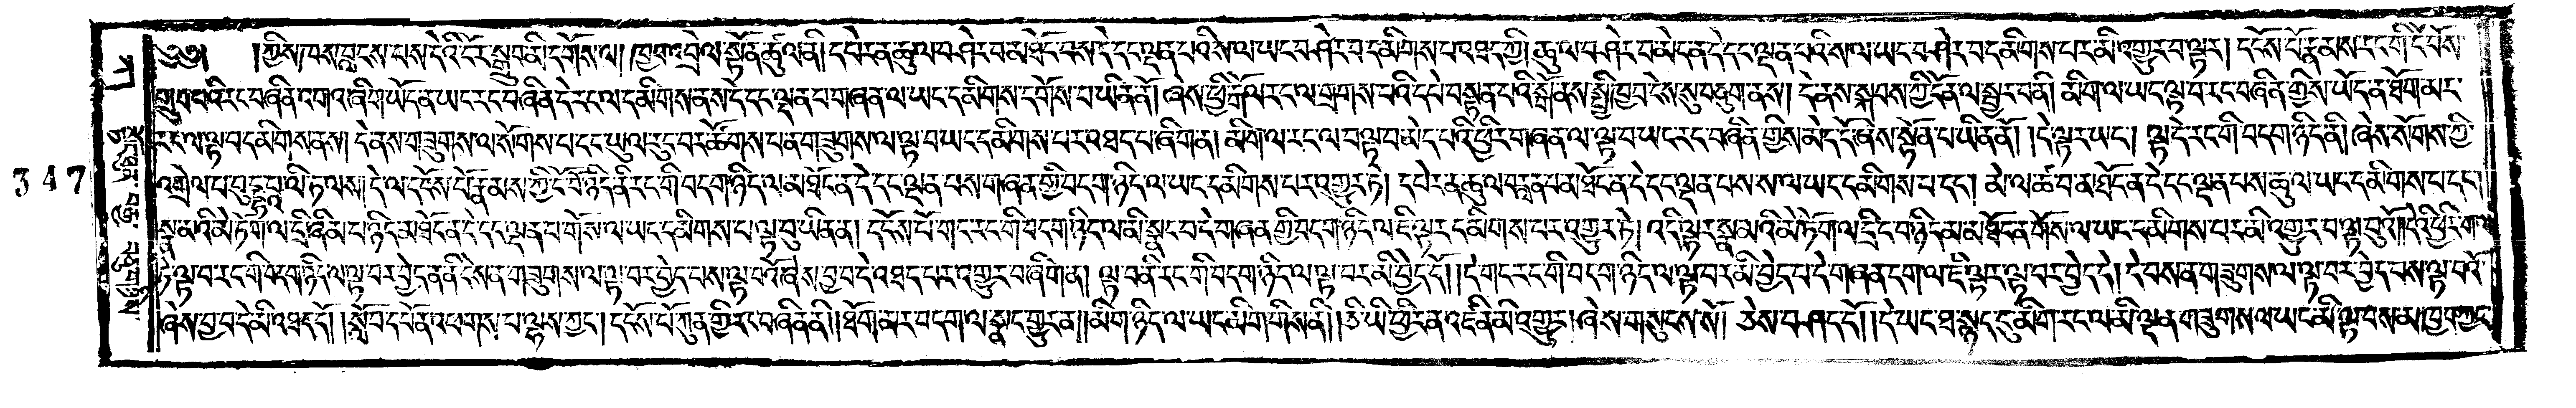༄༅། །ཀྱིས་ཁས་བླངས་པས་དེའི་ངོར་སྒྲུབ་མི་དགོས་ལ། ཁྱབ་འབྲེལ་སྟོན་ཚུལ་ནི། དཔེར་ན་ཆུ་ལ་བཤེར་བ་མཐོང་བས་དེ་དང་ལྡན་པའི་ས་ལ་ཡང་བཤེར་བ་དམིགས་པ་འཐད་ཀྱི། ཆུ་ལ་བཤེར་བ་མེད་ན་དེ་དང་ལྡན་བའི་ས་ལ་ཡང་བཤེར་བ་དམིགས་པར་མི་འགྱུར་བ་ལྟར། དངོས་པོ་རྣམས་རང་གི་ངོ་བོས་
གྲུབ་པའི་རང་བཞིན་འགའ་ཞིག་ཡོད་ན་ཡང་རང་བཞིན་དེ་རང་ལ་དམིགས་ནས་དེ་དང་ལྡན་པ་གཞན་ལ་ཡང་དམིགས་དགོས་པ་ཡིན་ནོ། ཞེས་ཕྱི་རྒོལ་རང་ལ་གྲགས་པའི་དཔེ་བསྟན་པའི་སྒོ་ནས་སྤྱི་ཁྱབ་ངེས་སུ་བཅུག་ནས། དེ་ནས་སྐབས་ཀྱི་དོན་ལ་སྦྱར་བ་ནི། མིག་ལ་ཡང་ལྟ་བ་རང་བཞིན་གྱིས་ཡོད་ན་ཐོག་མར་
རང་ལ་ལྟ་བ་དམིགས་ནས། དེ་ནས་གཟུགས་ལ་སོགས་པ་དང་ཡུལ་རུང་བར་ཚོགས་པ་ན་གཟུགས་ལ་ལྟ་བ་ཡང་དམིགས་པར་འཐད་པ་ཞིག་ན། མིག་ལ་རང་ལ་བལྟ་བ་མེད་པའི་ཕྱིར་གཞན་ལ་ལྟ་བ་ཡང་རང་བཞིན་གྱིས་མེད་དོ་ཞེས་སྟོན་པ་ཡིན་ནོ། །དེ་ལྟར་ཡང་། ལྟ་དེ་རང་གི་བདག་ཉིད་ནི། ཞེས་སོགས་ཀྱི་
འགྲེལ་བ་བུདྡྷ་བཱ་ལི་ཏ་ལས། དེ་ལ་དངོས་པོ་རྣམས་ཀྱི་ངོ་བོ་ཉིད་ནི་རང་གི་བདག་ཉིད་ལ་མཐོང་ན་དེ་དང་ལྡན་པས་གཞན་གྱི་བདག་ཉིད་ལ་ཡང་དམིགས་པར་འགྱུར་ཏེ། དཔེར་ན་ཆུ་ལ་བརླན་བ་མཐོང་ན་དེ་དང་ལྡན་པས་ས་ལ་ཡང་དམིགས་པ་དང་། མེ་ལ་ཚ་བ་མཐོང་ན་དེ་དང་ལྡན་པས་ཆུ་ལ་ཡང་དམིགས་པ་དང་།
སྣ་མའི་མེ་ཏོག་ལ་དྲི་ཞིམ་པ་ཉིད་མཐོང་ན་དེ་དང་ལྡན་པ་གོས་ལ་ཡང་དམིགས་པ་ལྟ་བུ་ཡིན་ན། དངོས་པོ་གང་རང་གི་བདག་ཉིད་ལ་མི་སྣང་བ་དེ་གཞན་གྱི་བདག་ཉིད་ལ་ཇི་ལྟར་དམིགས་པར་འགྱུར་ཏེ། འདི་ལྟར་སྣ་མའི་མེ་ཏོག་ལ་དྲི་ང་བ་ཉིད་མཐོང་ན་གོས་ལ་ཡང་དམིགས་པར་མི་འགྱུར་བ་ལྟ་བུའོ། །དེའི་ཕྱིར་གལ་
ཏེ་ལྟ་བ་རང་གི་བདག་ཉིད་ལ་ལྟ་བར་བྱེད་ན་ནི་དེས་ན་གཟུགས་ལ་ལྟ་བར་བྱེད་པས་ལྟ་བའོ་ཞེས་བྱ་བ་དེ་འཐད་པར་འགྱུར་བ་ཞིག་ན། ལྟ་བ་ནི་རང་གི་བདག་ཉིད་ལ་ལྟ་བར་མི་བྱེད་དོ། །དེ་གང་རང་གི་བདག་ཉིད་ལ་ལྟ་བར་མི་བྱེད་པ་དེ་གཞན་དག་ལ་ཇི་ལྟར་ལྟ་བར་བྱེད་དེ། དེ་བས་ན་གཟུགས་ལ་ལྟ་བར་བྱེད་བས་ལྟ་བའོ་
ཞེས་བྱ་བ་དེ་མི་འཐད་དོ། །སློབ་དཔོན་འཕགས་པ་ལྷས་ཀྱང་། དངོས་པོ་ཀུན་གྱི་དར་བཞིན་ན། །ཐོག་མར་བདག་ལ་སྣང་གྱུར་ན། །མིག་ཉིད་ལ་ཡང་མིག་གིས་ནི། །ཅི་ཡི་ཕྱིར་ན་འཛིན་མི་འགྱུར། ཞེས་གསུངས་སོ། ཅེས་བཤད་དོ། །དེ་ཡང་ཐ་སྙད་དུ་མིག་རང་ལ་མི་ལྡན་གཟུགས་ལ་ཡང་མི་ལྟ་བས་མ་ཁྱད་ཀྱང་